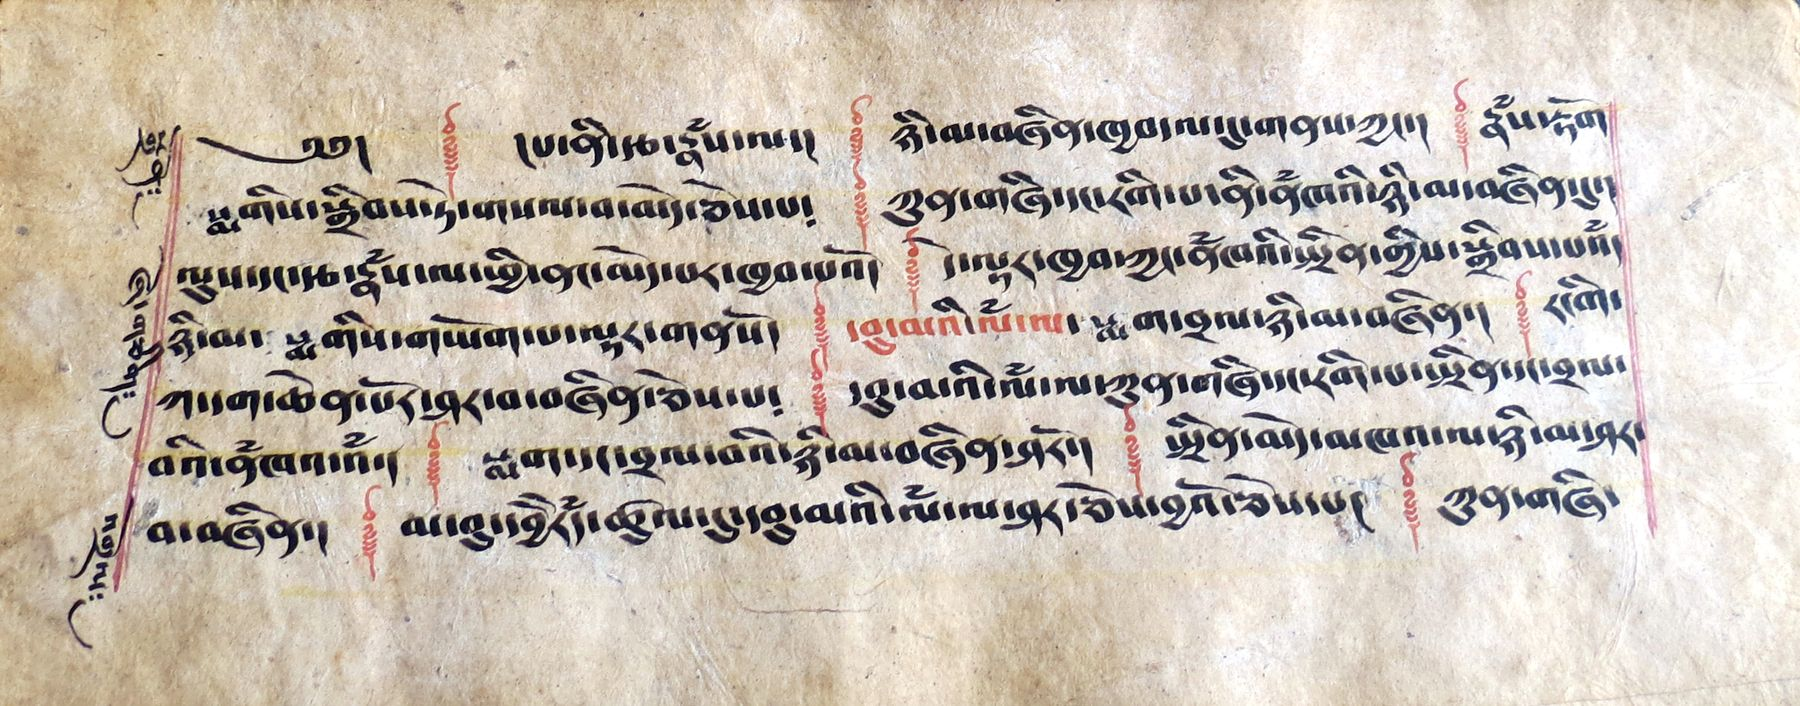པ་ནི་རྩ་རྣམས་ལ། ཉི་མ་བཞིན་ཁྱབ་བདལ་དུ་གནས་ཀྱང་། རྣམ་རྟོག་
སྨག་གིས་བསྒྲིབས་ཏེ་གསལ་བ་མེད་ཞེས་པས། ཀུན་གཞི་དང་རིག་པ་ནི་ནམ་མཁའི་ཉི་མ་བཞིན་དུ། 
ལུས་དང་རྩ་རྣམས་ལ་ཕྱི་ནང་མེད་པར་ཁྱབ་པའོ། །དེ་ལྟར་ཁྱབ་ཀྱང་ནམ་མཁའ་སྤྲིན་གྱིས་བསྒྲིབས་པའམ། 
ཉི་མ་སྨག་གིས་གཡོགས་པ་ལྟར་གནས་སོ། །དབུ་མའི་ལམ་ལ་སྨག་བྲལ་ཉི་མ་བཞིན། རང་རིག་
ཀ་དག་ཆེན་པོ་ཤར་བ་ཡིན། །ཞེས་པས། དབུ་མའི་ལམ་ལ་ཀུན་གཞི་དང་རིག་པ་སྤྲིན་དང་བྲལ་
བའི་ནམ་མཁའ་འམ། སྨག་དང་བྲལ་བའི་ཉི་མ་བཞིན་ཤར་རོ། །སྤྲིན་མེད་ནམ་མཁའ་ལ་ཉི་མ་ཤར་
བ་བཞིན། མ་བུ་དབྱེར་མེད་ཚུལ་དུ་དབུ་མའི་ལམ་ལ་ཤར་ཞེས་བྱའོ། །ཞེས་པས། ཀུན་གཞི་